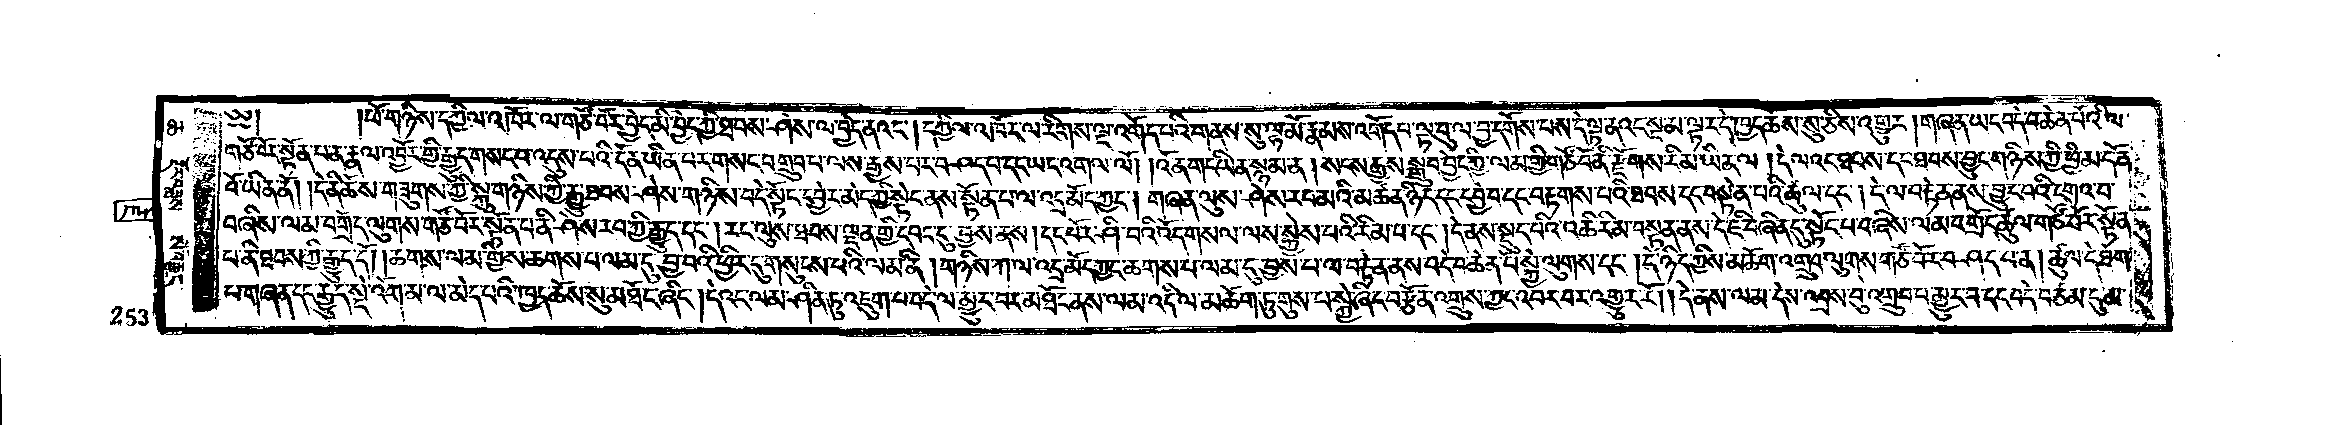༄༅། །ཕོ་གཉིས་དཀྱིལ་འཁོར་ལ་གཙོ་བོར་བྱེད་མི་བྱེད་ཀྱི་ཐབས་ཤེས་ལ་བྱེད་ནའང་། དཀྱིལ་འཁོར་ལ་རིགས་ལྔ་འགོད་པའི་གནས་སུ་ལྷ་མོ་རྣམས་འགོད་པ་ལྟ་བུ་ལ་བྱ་དགོས་པས་དེ་ལྟ་ནའང་སྔ་མ་ལྟར་དེ་ཁྱད་ཆོས་སུ་ཅིས་འགྱུར། གཞན་ཡང་བདེ་བ་ཆེན་པོའི་ལམ་
གཙོ་བོར་སྟོན་པ་ན་རྣལ་འབྱོར་གྱི་རྒྱུད་གསང་བ་འདུས་པའི་དོན་ཡིན་པར་གསང་བ་གྲུབ་པ་ལས་རྒྱས་པར་བཤད་པ་དང་ཡང་འགལ་ལོ། །འོ་ན་གང་ཡིན་སྙམ་ན། སངས་རྒྱས་སྒྲུབ་བྱེད་ཀྱི་ལམ་གྱི་གཙོ་བོ་ནི་རྫོགས་རིམ་ཡིན་ལ། དེ་ལའང་ཐབས་དང་ཐབས་བྱུང་གཉིས་ཀྱི་ཕྱི་མ་གཙོ་
བོ་ཡིན་ནོ། །དེ་ནི་ཆོས་གཟུགས་ཀྱི་སྐུ་གཉིས་ཀྱི་རྒྱུ་ཐབས་ཤེས་གཉིས་བདེ་སྟོང་དབྱེར་མེད་ཀྱི་སྟེང་ནས་སྟོན་པ་ལ་འདྲ་མོད་ཀྱང་། གཞན་ལུས་ཤེས་རབ་མའི་མཚན་ཉིད་དང་དབྱེ་བ་དང་བརྟགས་པའི་ཐབས་དང་བསྟེན་པའི་ཚུལ་དང་། དེ་ལ་བརྟེན་ནས་བྱུང་བའི་དགའ་བ་
བཞིས་ལམ་བགྲོད་ལུགས་གཙོ་བོར་སྟོན་པ་ནི་ཤེས་རབ་ཀྱི་རྒྱུད་དང་། རང་ལུས་ཐབས་ལྡན་གྱི་དབང་དུ་བྱས་ནས། དང་པོར་ཤི་བའི་འོད་གསལ་ལས་སྐྱེས་པའི་རིམ་པ་དང་། དེ་ནས་སྡུད་པའི་འཆི་རིམ་བསྟན་ནས་དེ་ཇི་བཞིན་དུ་སྟོང་པ་བཞིས་ལམ་བགྲོད་ཚུལ་གཙོ་བོར་སྟོན་
པ་ནི་ཐབས་ཀྱི་རྒྱུད་དོ། །ཆགས་ལམ་གྱིས་ཆགས་པ་ལམ་དུ་བྱ་བའི་ཕྱིར་དུ་གསུངས་པའི་ལམ་ནི། གཉིས་ཀ་ལ་འདྲ་མོད་ཀྱང་ཆགས་པ་ལམ་དུ་བྱས་པ་ལ་བརྟེན་ནས་བདེ་བ་ཆེན་པོ་སྐྱེ་ལུགས་དང་། དེ་ཉིད་ཀྱིས་མཆོག་འགྲུབ་ལུགས་གཙོ་བོར་བཤད་པ་ན། ཚུལ་དེ་ཐོག་
པ་གཞན་དང་རྒྱུད་སྡེ་འོག་མ་ལ་མེད་པའི་ཁྱད་ཆོས་སུ་མཐོང་ཞིང་། དེའང་ལམ་ཤིན་ཏུ་འཇུག་པ་བདེ་ལ་མྱུར་བར་མཐོང་ནས་ལམ་འདི་ལ་མཆོག་ཏུ་གུས་པ་སྐྱེ་ཞིང་བརྩོན་འགྲུས་ཀྱང་འབར་བར་འགྱུར་རོ། །དེ་ནས་ལམ་དེས་འབྲས་བུ་འགྲུབ་པ་མྱུར་བ་དང་བདེ་བ་ཙམ་དུ་མ་